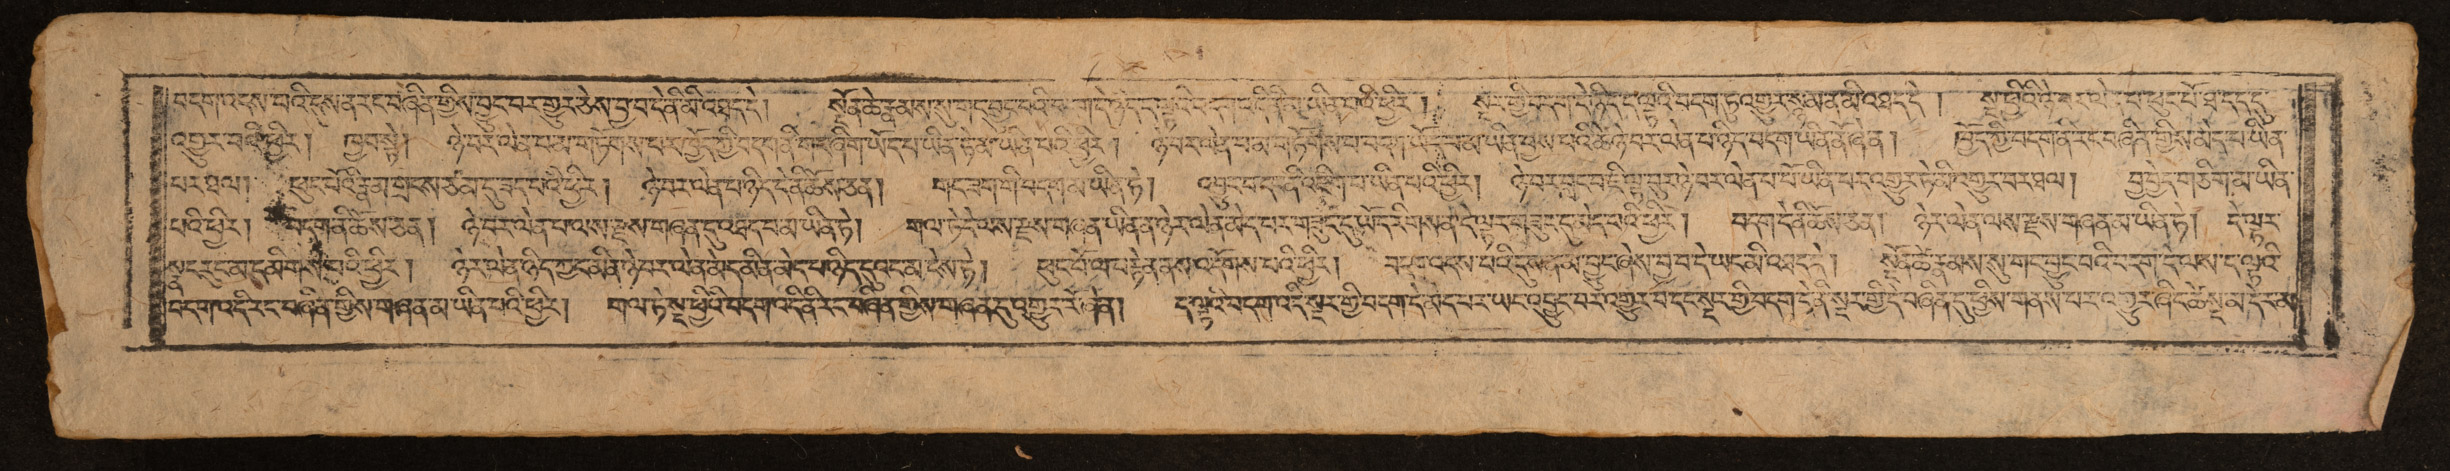བདག་འདས་པའི་དུས་ན་རང་བཞིན་གྱིས་བྱུང་བར་གྱུར་ཅེས་བྱ་བ་དེ་ནི་མི་འཐད་དེ། སྔོན་ཚེ་རྣམས་སུ་གང་བྱུང་བའི་བདག་དེ་ཉིད་ད་ལྟའི་བདག་འདི་ནི་མ་ཡིན་པའི་ཕྱིར། སྔར་གྱི་བདག་དེ་ཉིད་ད་ལྟའི་བདག་ཏུ་འགྱུར་སྙམ་ན་མི་འཐད་དེ། སྔ་ཕྱིའི་ཉེ་བར་ལེན་པ་ཕུང་པོ་ཐ་དད་དུ་
འགྱུར་བའི་ཕྱིར། ཁྱབ་སྟེ། ཉེ་བར་ལེན་པ་མ་གཏོགས་པར་ཁྱོད་ཀྱི་བདག་ནི་གང་ཞིག་ཡོད་པ་ཡིན་ཏེ་མ་ཡིན་པའི་ཕྱིར། ཉེ་བར་ལེན་པ་མ་གཏོགས་པ་བདག་ཡོད་པ་མ་ཡིན་བྱས་པའི་ཚེ་ཉེ་བར་ལེན་པ་ཉིད་བདག་ཡིན་ནོ་ཞེ་ན། ཁྱོད་ཀྱི་བདག་ནི་རང་བཞིན་གྱིས་མེད་པ་ཡིན་
པར་ཐལ། ཕུང་པོའི་རྣམ་གྲངས་ཙམ་དུ་ཟད་པའི་ཕྱིར། ཉེ་བར་ལེན་པ་ཉིད་དེ་ནི་ཆོས་ཅན། གང་ཟག་གི་བདག་མ་ཡིན་ཏེ། འབྱུང་བ་དང་ནི་འཇིག་པ་ཡིན་པའི་ཕྱིར། ཉེ་བར་བླང་བ་ཇི་ལྟ་བུར་ཉེ་བར་ལེན་པ་པོ་ཡིན་པར་འགྱུར་ཏེ་མི་འགྱུར་བར་ཐལ། བྱ་བྱེད་གཅིག་མ་ཡིན་
པའི་ཕྱིར། བདག་ནི་ཆོས་ཅན། ཉེ་བར་ལེན་པ་ལས་རྫས་གཞན་དུ་འཐད་པ་མ་ཡིན་ཏེ། གལ་ཏེ་དེ་ལས་རྫས་གཞན་ཡིན་ན་ཉེར་ལེན་མེད་པར་གཟུང་དུ་ཡོད་རིགས་ན་དེ་ལྟར་གཟུང་དུ་མེད་པའི་ཕྱིར། བདག་དེ་ནི་ཆོས་ཅན། ཉེར་ལེན་ལས་རྫས་གཞན་མ་ཡིན་ཏེ། དེ་ལྟར་
སྣང་རུང་མ་དམིགས་པའི་ཕྱིར། ཉེར་ལེན་ཉིད་ཀྱང་མིན་ཉེ་བར་ལེན་མེད་མིན་མེད་པ་ཉིད་དུའང་མ་ངེས་ཏེ། ཕུང་པོ་ལ་བརྟེན་ནས་འདོགས་པའི་ཕྱིར། བདག་འདས་པའི་དུས་ན་མ་བྱུང་ཞེས་བྱ་བ་དེ་ཡང་མི་འཐད་དེ། སྔོན་ཚེ་རྣམས་སུ་གང་བྱུང་བའི་བདག་དེ་ལས་ད་ལྟའི་
བདག་འདི་རང་བཞིན་གྱིས་གཞན་མ་ཡིན་པའི་ཕྱིར། གལ་ཏེ་སྔ་ཕྱིའི་བདག་འདི་ནི་རང་བཞིན་གྱིས་གཞན་དུ་འགྱུར་རོ་ཞེ་ན། ད་ལྟའི་བདག་འདི་སྔར་གྱི་བདག་དེ་མེད་པར་ཡང་འབྱུང་བར་འགྱུར་བ་དང་སྔར་གྱི་བདག་དེ་ནི་སྔར་གྱི་དེ་བཞིན་དུ་ཕྱིས་གནས་པར་འགྱུར་ཞིང་ཚེ་སྔ་མ་དེར་མ་